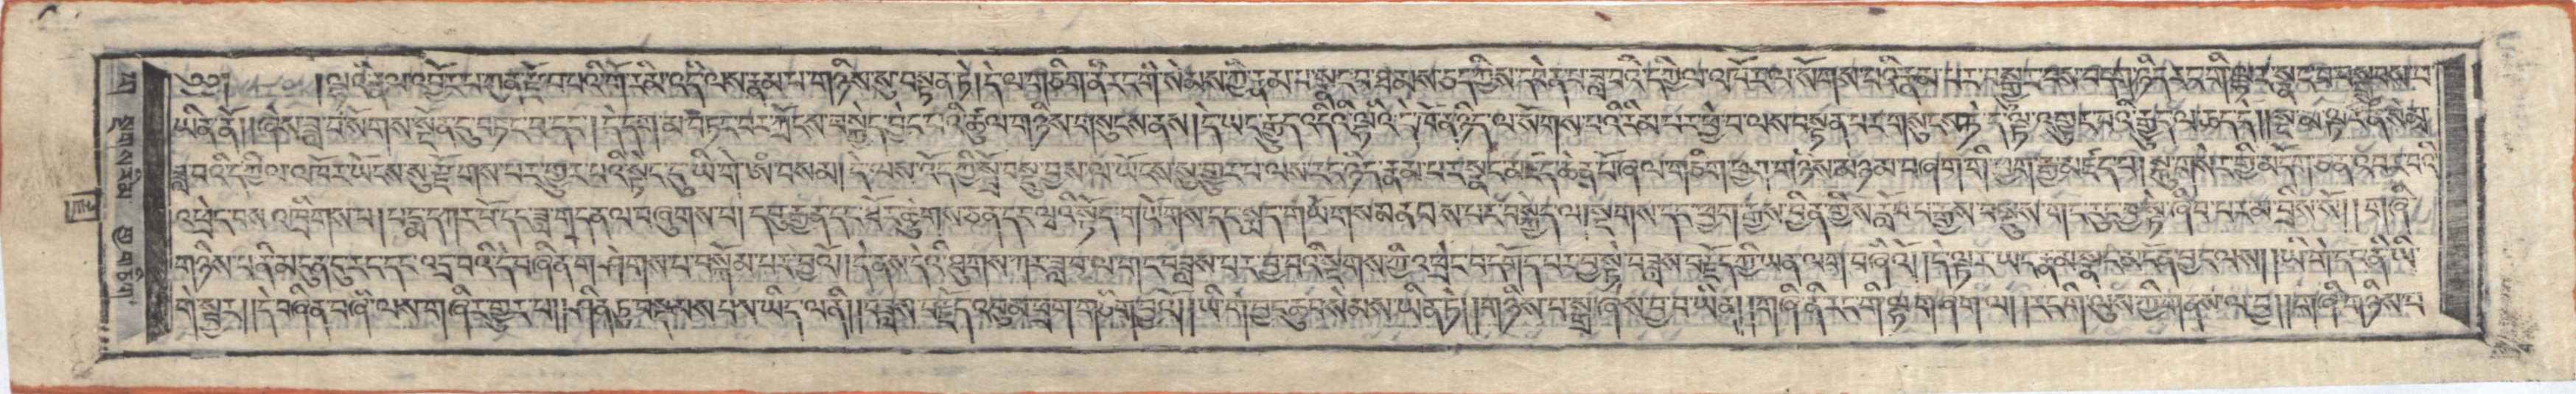༄༅། །ལྷའི་རྣལ་འབྱོར་པ་ཀུན་རྫོབ་པའི་གོ་རིམ་འདི་ལས་རྣམ་པ་གཉིས་སུ་བསྟན་ཏེ། དེ་ལ་གཅིག་ནི་རང་གི་སེམས་ཀྱི་རྣམ་པ་སྣང་བ་ཐམས་ཅད་ཀྱིས་དབེན་པ་ཟླ་བའི་དཀྱིལ་འཁོར་ལ་སོགས་པའི་རྣམ་པར་བསྒྱུར་བས་བདག་ཉིད་རང་གི་ལྷར་སྣང་བ་བསྒྲུབས་པ་
ཡིན་ནོ། །ཞེས་ཟླ་བ་སོགས་སྔོན་དུ་བཏང་བ་དང་། དེ་དག་མ་བཏང་བར་ཀྲོངས་བསྐྱེད་བྱེད་པའི་ཚུལ་གཉིས་གསུངས་ནས། དེ་ཡང་རྒྱུད་འདིའི་ལྷའི་དེ་ཁོ་ན་ཉིད་ལ་སོགས་པའི་རིམ་པར་ཕྱེ་བ་ལས་བསྟན་པར་གསུངས་ཏེ་ད་ལྟ་འགྱུར་བའི་རྒྱུད་ལ་ཆད་དོ། །སྔ་མ་ལྟར་ན་སེམས་
ཟླ་བའི་དཀྱིལ་འཁོར་ཡོངས་སུ་རྫོགས་པར་གྱུར་པའི་སྟེང་དུ་ཡི་གེ་ཨཾ་བསམ། དེ་ལས་འོད་ཀྱི་སྤྲོ་བསྡུ་བྱས་ལ་ཡོངས་སུ་གྱུར་པ་ལས་རང་ཉིད་རྣམ་པར་སྣང་མཛད་ཆེན་པོ་ཞལ་གཅིག་ཕྱག་གཉིས་མཉམ་བཞག་གི་ཕྱག་རྒྱ་མཛད་པ། སྐུ་གསེར་གྱི་མདོག་ཅན་འབར་བའི་
འཕྲེང་བས་འཁྲིགས་པ། པདམ་དཀར་པོ་དང་ཟླ་གདན་ལ་བཞུགས་པ། དབུ་རྒྱན་དང་ཐོར་ཚུགས་ཅན་དར་ལྭའི་སྟོད་གཡོགས་དང་སྨད་གཡོགས་མན་བས་?་པར་བསྐྱེད་ལ། སྔགས་དང་ཕྱག་རྒྱས་བྱིན་གྱིས་རློབ་པ་རྒྱས་བསྡུས་གང་རུང་བྱ་སྟེ་ཞིབ་པར་མ་བྲིས་སོ། །གཞི་
གཉིས་པ་ནི་མདུན་དུ་རང་དང་འདྲ་བའི་དེ་བཞིན་གཤེགས་པ་བསྐོམ་པར་བྱའོ། །དེ་ནས་དེའི་ཐུགས་ཀར་ཟླ་བ་ལ་གང་བཟླས་པར་བྱ་བའི་སྔགས་ཀྱི་འཕྲེང་བ་དགོད་པར་བྱ་སྟེ་བཟླས་བརྗོད་ཀྱི་ཡན་ལག་བཞིའོ། །དེ་ལྟར་ཡང་རྣམ་སྣང་མངོན་བྱང་ལས། །ཡི་གེ་དང་ནི་ཡི་
གེ་སྦྱར། །དེ་བཞིན་བཞི་ལས་གཞིར་གྱུར་པ། །ཤིན་ཏུ་བསྡམས་པས་ཡིད་ལ་ནི། །བཟླས་བརྗོད་འབུམ་ཕྲག་གཅིག་བྱའོ། །ཡི་གེ་བྱང་ཆུབ་སེམས་ཡིན་ཏེ། །གཉིས་པ་སྒྲ་ཞེས་བྱ་བ་ཡིན། །གཞི་ནི་རང་གི་ལྷ་གཞག་ལ། །རང་གི་ལུས་ཀྱི་གནས་ལ་བྱ། །གཞི་གཉིས་པ་